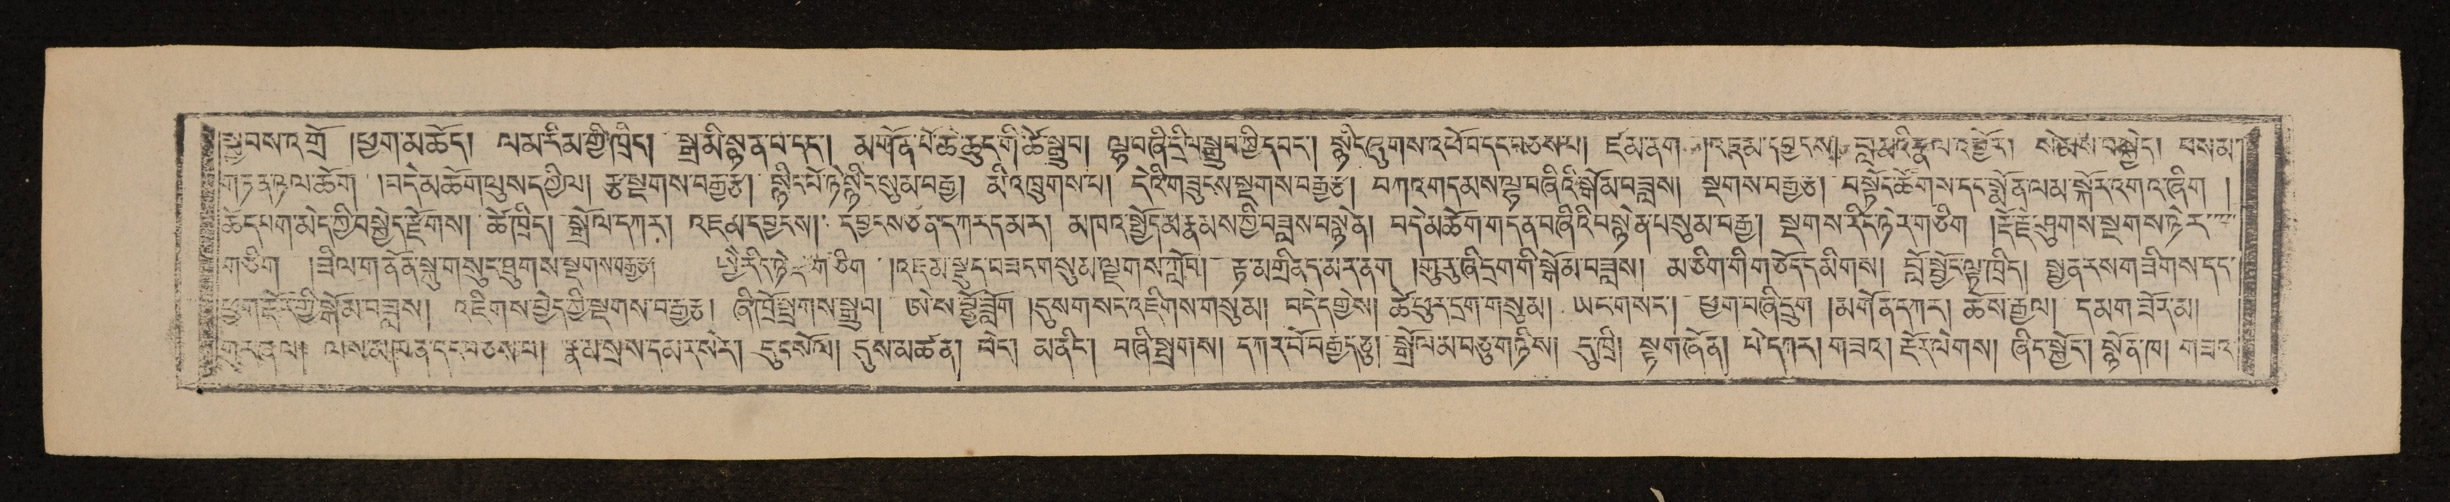སྐྱབས་འགྲོ་།ཕྱག་མཆོད། ལམ་རིམ་གྱི་ཁྲིད། སྒྲ་མི་སྙན་པ་དང་། མགོན་པོ་ཆེ་ཆུང་གི་ཚེ་སྒྲུབ། ལྷ་བཞི་དྲིལ་སྒྲུབ་ཀྱི་དབང་། སྙིང་ཞུགས་འཕོ་བ་དང་བཅས་པ། ཛམ་ནག །འཇམ་དབྱངས། བླ་མའི་རྣལ་འབྱོར། སེམས་བསྐྱེད། བསམ་
གཏན་ཉལ་ཆོག །བདེ་མཆོ་ལུས་དཀྱིལ། རྩ་སྔགས་བརྒྱ་རྩ། སྙིང་པོ་ཉེ་སྙིང་སུམ་བརྒྱ། མི་འཁྲུགས་པ། དེའི་གཟུངས་སྔགས་བརྒྱ་རྩ། བཀའ་གདམས་ལྷ་བཞིའི་སྒོམ་བཟླས། སྔགས་བརྒྱ་རྩ། བསྟོད་ཚོགས་དང་སྨོན་ལམ་སྐོར་འགའ་ཞིག །
ཚེ་དཔག་མེད་ཀྱི་བསྐྱེད་རྫོགས། ཚེ་ཁྲིད། སྒྲོལ་དཀར། འཇམ་དབྱངས། དབྱངས་ཅན་དཀར་དམར། མཁའ་སྤྱོད་མ་རྣམས་ཀྱི་བཟླས་བསྙེན། བདེ་མཆོག་གདན་བཞིའི་བསྙེན་པ་སུམ་བརྒྱ། སྔགས་རིང་ཉེར་གཅིག །རྡོ་རྗེ་ཤུགས་སྔགས་ཉེར་
གཅིག །ཟིལ་གནོན་སྐུ་གསུང་ཐུགས་སྔགས་བརྒྱ་རྩ། ཨཡཻ་རིང་ཉེར་གཅིག །འཇམ་སྡུད་བཟང་གསུམ་ལྗགས་ཀློག །རྟ་མགྲིན་དམར་ནག །གུ་དུ་ཞི་དྲག་གི་སྒོམ་བཟླས། མ་ཅིག་གི་གཅོད་དམིགས། བློ་སྦྱོར་ལྟ་ཁྲིད། སྤྱན་རས་གཟིགས་དང་
ཕྱག་རྡོར་གྱི་སྒོམ་བཟླས། འཇིགས་བྱེད་ཀྱི་སྔགས་བརྒྱ་རྩ། ཞི་ཁྲོ་སྦྲགས་སྒྲུབ། ཨེ་ས་བྷྱོ་ཟློག །དུས་གསང་འཇིགས་གསུམ། བདེ་དགྱེས། ཚེ་ཕུར་དྲག་གསུམ། ཡང་གསང་། ཕྱག་བཞི་དྲུག །མགོན་དཀར། ཆོས་རྒྱལ། དམག་ཟོར་མ།
གུར་ཞལ། ལས་མཁན་དང་བཅས་པ། རྣམ་སྲས་དམར་སེར། དུད་སོལ། དུས་མཚན། བེད། མ་ནིང་། བཞི་སྦྲགས། དཀར་པོ་བརྒྱད་ཅུ། སྒྲོལ་མ་བཅུ་གཉིས། དུ་ཁྲི། སྟག་ཞོན། བེ་དཀར། གཟའ། རྡོར་ལེགས། ཞིང་སྐྱོང་། སྙོན་ཁ། གཟའ་